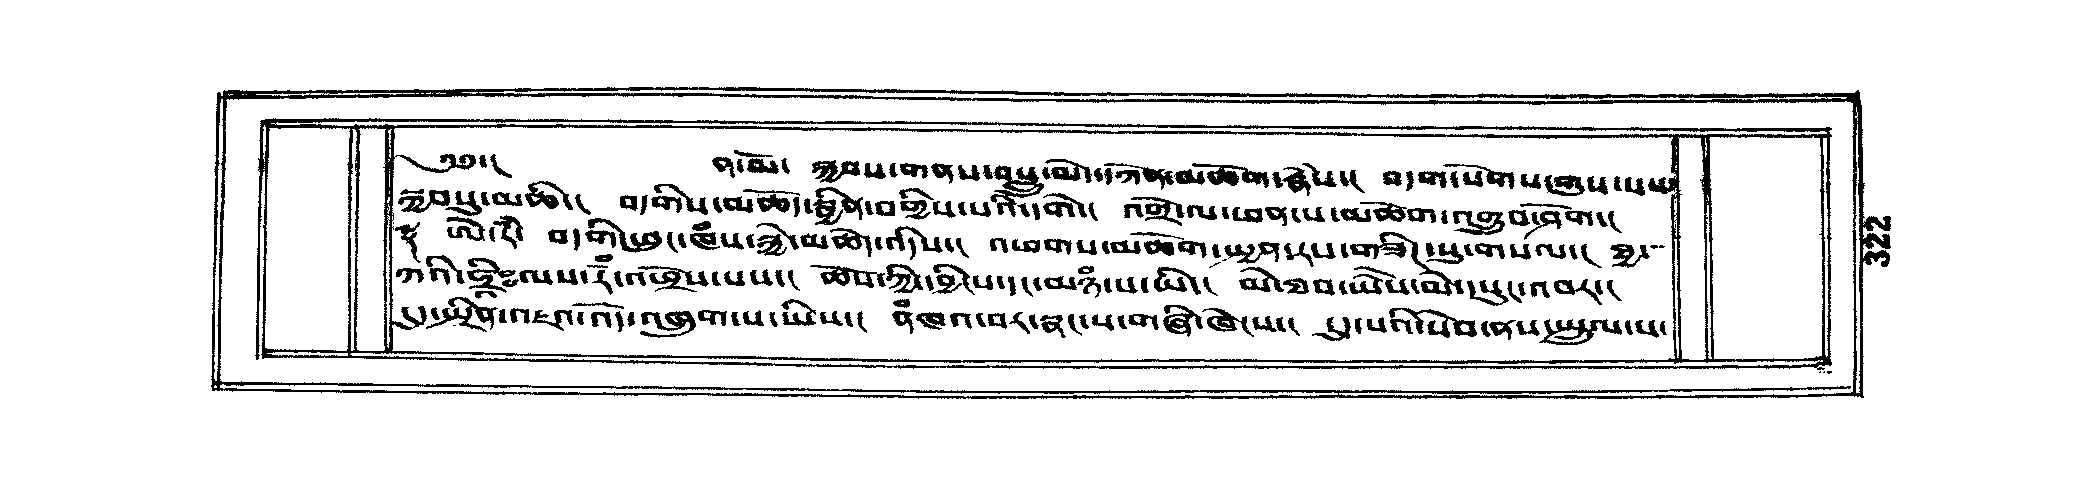ན་མོ། སྐྱབས་གནས་བསླུ་མེད་དཀོན་མཆོག་རྣམས། །བདག་སོགས་གུས་པས་
སྐྱབས་སུ་མཆི། །བདག་གིས་མཆོད་སྦྱིན་བགྱིས་པའི་དགེ་།འགྲོ་ལ་ཕན་པ་མཆོག་འགྲུབ་ཤོག་ 
༈ ཨོ་རཾ། བདག་གི་ཕུང་ཁམས་སྐྱེ་མཆེད་འདིས། །འཕགས་མཆོག་སྤྱན་རས་གཟིགས་སུ་གསལ། །ཐུགས་
ཀའི་ཧྲཱིཿལས་རྃ་འཕྲོས་པས། །ཆོས་ཀྱི་དབྱིངས་དང་མཉམ་པ་ཡི། །མེ་ཐབ་ཡེ་ཤེས་མེ་དཔུང་འབར། །
དུད་སྤྲིན་འཇའ་འོད་འཁྲུག་པ་ཡིས། །ནམ་མཁའ་བར་སྣང་ས་གཞི་ཁེངས། །དུད་པའི་གསེབ་ནས་སྤྲུལ་པ་